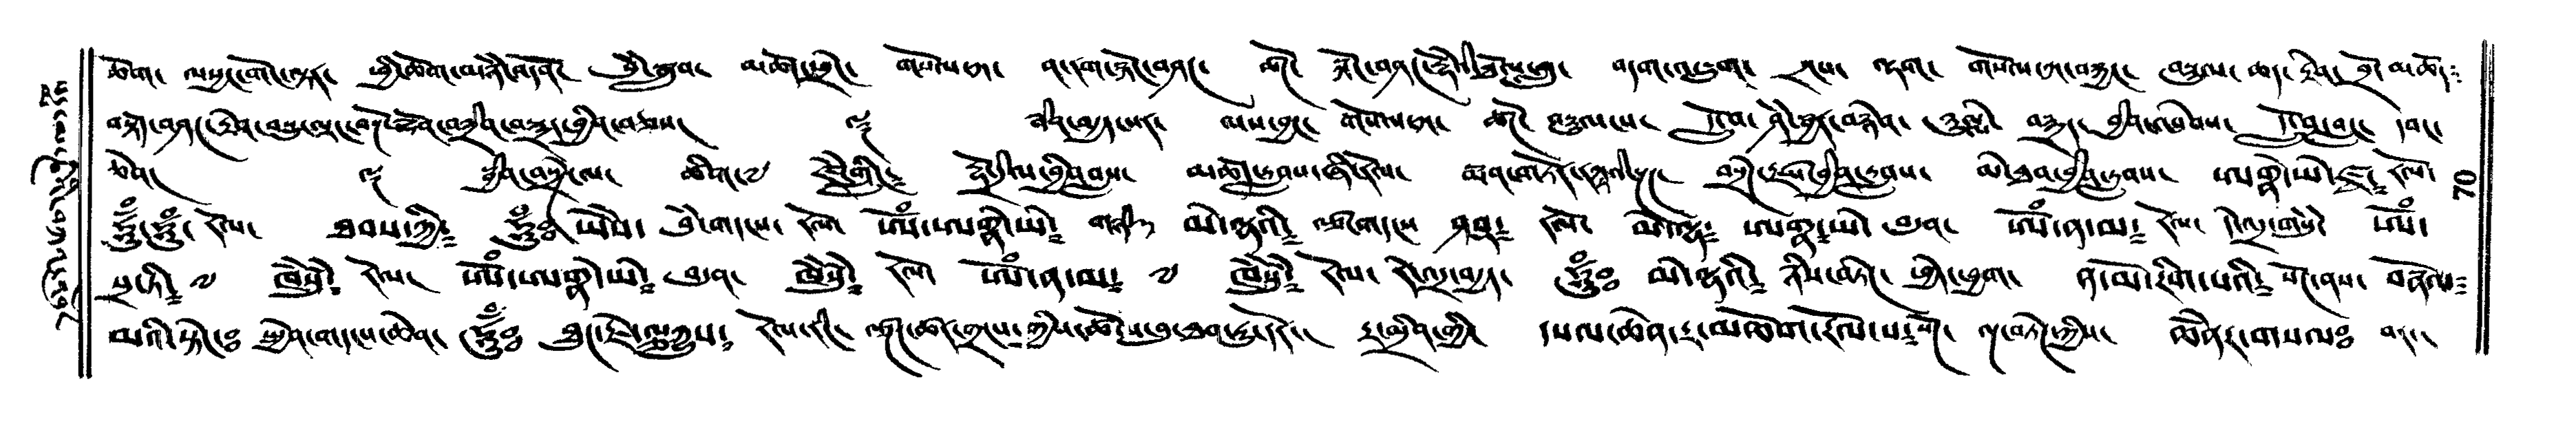ཆོག ལས་བྱང་གོང་ལྟར། ཕྱི་ཆོག་མཉམ་འདོན། བུམ་སྒྲུབ། མཆོད་ཕྲེང་། གསོལ་ཀ ན་རག་སྐོང་བཤགས། ཚོགས། སྐོང་བཤགས་རྡོ་རྗེའི་ཐོལ་གླུ། བདག་འཇུག དྲང་ལྷག གསོལ་ཀ་བསྐྱང་། བསྐུལ། ཆད་བརྟན། བྲོ། མཆོད་
བསྟོད་བཤགས་རྟེན་བསྡུ་ལྡང་བསྔོ་སྨོན་བཀྲ་ཤིས་བསྐྲད་བྱིན་བཅས། ༈ ཉིན་བརྒྱད་པར། ལས་བྱང་། གསོལ་ཀ ཚོགས། བསྐུལ་པ། དངོས་གྲུབ། ཤམ་སྦྱར་བསྙེན། ཉུལླེ་བསྐྲད། བྱིན་འབེབས། དངོས་གྲུབ་བླང་། དབང་
ཆེན། ༈ སྦྱིན་སྲེག་ལ། ཚིག་བདུན། འཛམ་གླིང༴ རྡོ་དྲིལ་བྱིན་རླབས། མཆོད་རླབས་ཞི་རོལ། སྨན་གཏོར་རཀྟའི་སྔགས། སྲེག་རྫས་བྱིན་རླབས། མེ་ཐབ་བྱིན་རླབས། ཨགྣེ་ཡེ་ཛྭ༴ རོལ། 
ཧཱུྃ་ཧཱུྃ། རོལ། ཐབས་ཀྱི༴ ཧཱུཾཿ ཡེ་ཤེས༴ བུམ་གདངས། རོལ། ཨོཾ་ཨགྣེ་ཡེ༴ གཉིས། མེ་ལྷའི༴ རྩ་གདངས། ཤབྡ༴ རོལ། མེ་ལྷ༴ ཨགྣ་ཡེ༴ བདུན། ཨོཾ་ན་མ༴ རོལ། དེ་འདྲ་གསུམ། ཨོཾ་
པྲ་ཏི༴ ཁམས་གསུམ༴ རོལ། ཨོཾ་ཨགྣེ་ཡེ༴ བདུན། ཁམས་གསུམ་རོལ། ཨོཾ་ན་མ༴ ཁམས་གསུམ༴ རོལ། དེ་འདྲ་བརྒྱད། ཧཱུྃཿ མེ་ལྷའི༴ ཉིས་བཏེགས། ཕྱེད་ཕྱག ན་མོཿརིག་པའི༴ སོགས་ནས། བསྣོལ༴ 
མའི་སྟེངཿ སྤྱན་འདྲེན་གདངས་ཆེན། ཧཱུྃཿ ཐུགས་རྗེ་ལྕགས་ཀྱུས༴ རོལ་རིང་། རྩ་སྔགས་ཚར་གྲངས་ཀྱིས་ཚོམ་བུ་ཐབ་ཏུ་དོར། རྟ་མགྲིན་གྱི། དཔལ་ཆེན་རྟ་མཆོག་རོལ་པ༴ སོགས། ལྔ་བཏེགས་ཀྱིས། ཆེན་པོར་གསལཿ བར།